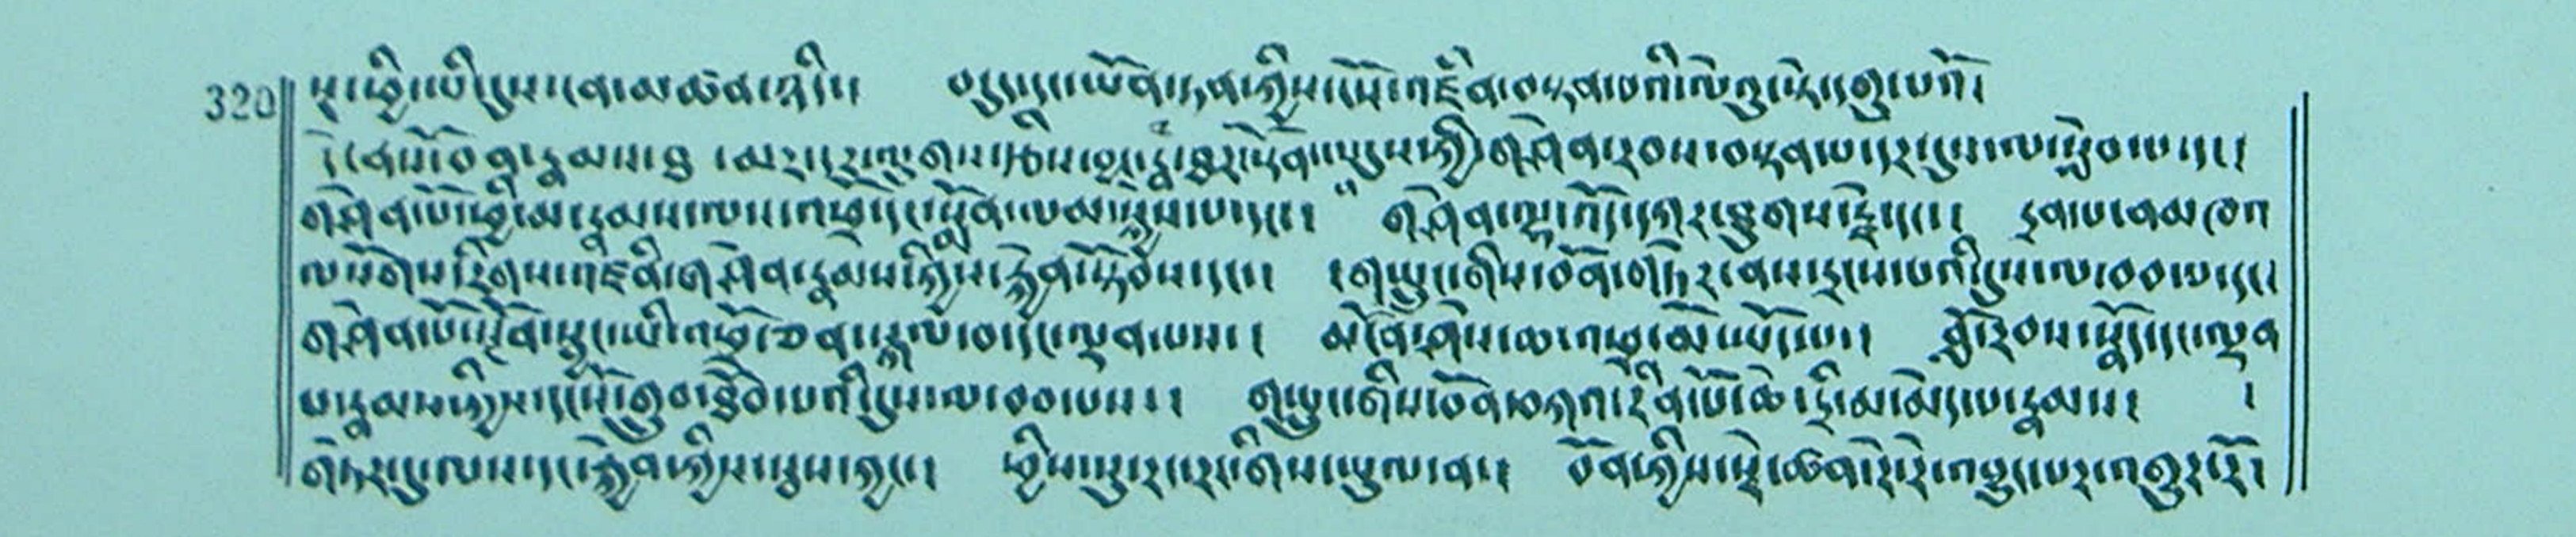སྔ་ཕྱི་ཡི་དུས་ངན་མཚན་ཉིད་དང་། བདུད་དང་ཡོན་ཏན་གྱིས་ངོས་འཛིན་བསྟན་པའི་ལེའུ་སྟེ་དགུ་བའོ།། 
།།༈ དེ་ནས་བོན་རྣམས་ཐ་མར་དར་ལུགས་རྩིས་བྱང་རྣམ་ཐར་སྟོན་པ་། དུས་ཀྱི་གཤེན་རབ་བསྟན་པ་དར་དུས་ལ་སླེབས་པ་དང་། 
གཤེན་པོ་ཕྱི་མ་རྣམས་ལས་འཕྲོ་དང་སྨོན་ལམ་སྐྱེས་པ་དང་། གཤེན་ལྷ་འོད་དཀར་ཐུགས་རྗེ་དང་། དྲན་པ་ནམ་མཁའ་
ལ་སོགས་རིགས་འཛིན་གྱི་གཤེན་རྣམས་ཀྱིས་སྐྱེན་སྟོབས་དང་། གཡུང་དྲུང་གིས་བོན་གཏེར་ནས་དྲངས་པའི་དུས་ལ་བབ་པ་དང་། 
གཤེན་པོ་སྔོན་སྦྱངས་ཀྱི་འཕྲོ་ཅན་བསྐལ་པ་དང་ལྡན་པས། མངོན་ཤེས་ཆ་ཕྲ་མོ་ཡོད་པ། བློ་རབ་སྣོད་དང་ལྡན་
པ་རྣམས་ཀྱིས་དངོས་གྲུབ་ཐོབ་པའི་དུས་ལ་བབ་པས། གཡུང་དྲུང་གི་བོན་བཀའ་རིན་ཆེན་དྲི་མ་མེད་པ་རྣམས། 
གཏེར་དུ་ལས་དང་རྐྱེན་གྱིས་སྦས་ཀྱང་། ཕྱིས་སུ་རང་རང་གི་ཡུལ་ན། བོན་གྱི་སྡེ་ཚན་རེ་རེ་འབྱུང་བར་འགྱུར་རོ། །